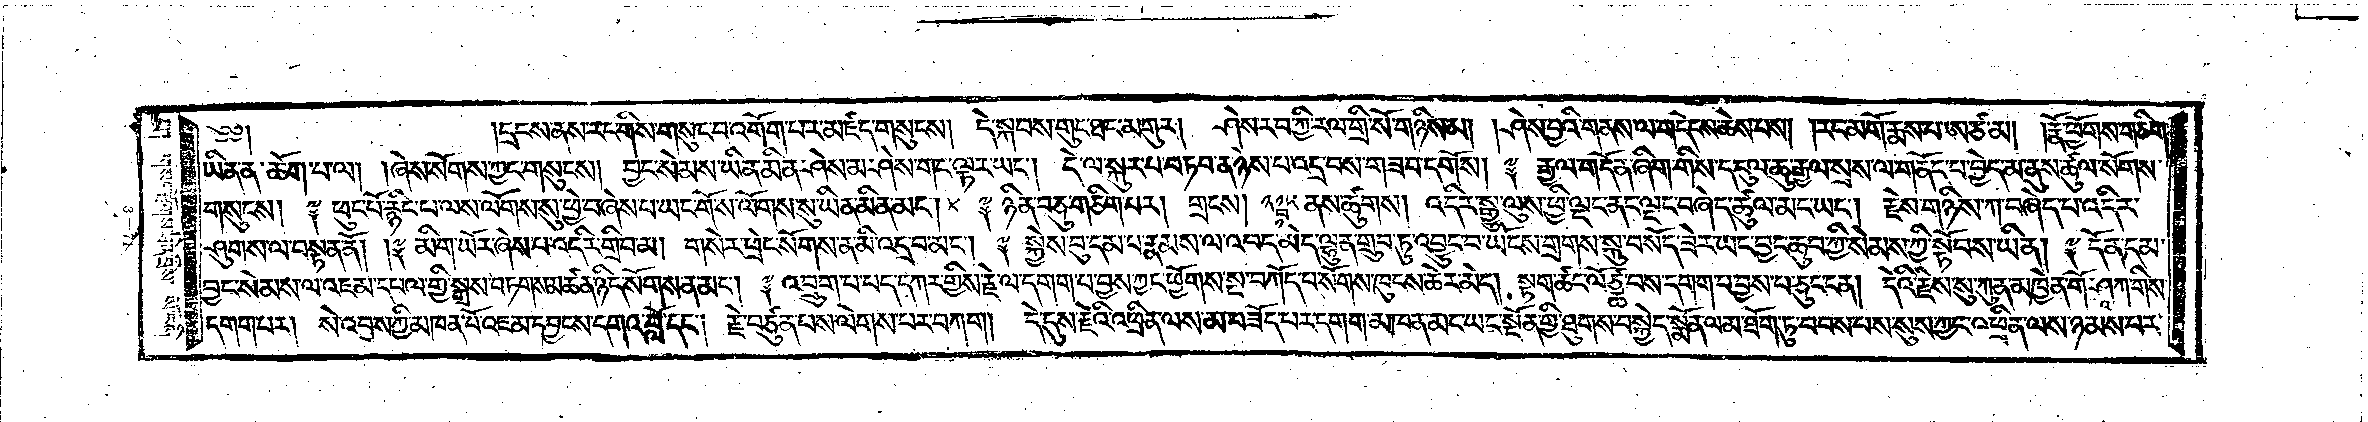༄༅། །དྲངས་ནས་རང་གིས་གསུང་བ་འགོག་པར་མཛད་གསུངས། དེ་སྐབས་གུང་ཐང་མགུར། ཤེས་རབ་ཀྱི་རལ་གྲི་སོ་གཉིས་མ། །ཤེས་བྱའི་གནས་ལ་གདེངས་ཆེས་པས། །རང་མགོ་རྨས་པ་ཨ་ཙ་མ། །རྣོ་ཕྱོགས་གཅིག་
ཡིན་ན་ཆོག་པ་ལ། །ཞེས་སོགས་ཀྱང་གསུངས། བྱང་སེམས་ཡིན་མིན་ཤེས་མ་ཤེས་གང་ལྟར་ཡང་། དེ་ལ་སྐུར་པ་བཏབ་ན་ཉེས་པ་འདྲ་བས་གཟབ་དགོས། ༈ རྒྱལ་གདོན་ཞིག་གིས་དངུལ་ཆུ་རྒྱལ་སྲས་ལ་གནོད་པ་བྱེད་མ་ནུས་ཚུལ་སོགས་
གསུངས། ༈ ཕུང་པོ་རྙིང་པ་ལས་ལོགས་སུ་ཕྱེ་བ་ཞེས་པ་ཡང་གོ་ས་ལོགས་སུ་ཡིན་མིན་མང་། ྾་༈ ཉིན་བཅུ་གཅིག་པར། གྲངས། ༢༡༥བ༡་ནས་ཚུགས། འདིར་སྒྱུ་ལུས་ཕྱི་ལྡང་ནང་ལྡང་བཞེད་ཚུལ་མང་ཡང་། རྗེས་གཉིས་ཀ་བཞེད་པ་འདིར་
ཤུགས་ལ་བསྟན་ནོ། །༈ མིག་ཡོར་ཞེས་པ་འདིར་གྲིབ་མ། གསེར་ཕྲེང་སོགས་ན་མི་འདྲ་བ་མང་། ༈ སྐྱེས་བུ་དམ་པ་རྣམས་ལ་འབད་མེད་ལྷུན་གྲུབ་ཏུ་འབྱུང་བ་ཡོངས་གྲགས་སྐུ་བསོད་ཟེར་ཡང་བྱང་ཆུབ་ཀྱི་སེམས་ཀྱི་སྟོབས་ཡིན། ༈ དོན་དམ་
བྱང་སེམས་ལ་འཇམ་དཔལ་གྱི་སྒྲས་བཏགས་མཚན་ཉིད་སོགས་ན་མང་། ༈ འབྲུག་པ་པད་དཀར་གྱིས་རྗེ་ལ་དགག་པ་བྱས་ཀྱང་ཕྱོགས་སྔ་བཀོད་པ་སོགས་ཁུངས་ཆེར་མེད། སྟག་ཚང་ལོཙྪ་བས་དགག་པ་བྱས་པ་ཅུང་ངན། དེའི་རྗེས་སུ་ཀུན་མཁྱེན་གོ་ཤཱཀ་གིས་
དགག་པར། སེ་འབྲས་ཀྱི་མཁན་པོ་འཇམ་དབྱངས་དགའ་བློ་དང་། རྗེ་བཙུན་པས་ལེགས་པར་བཀག། དེ་དུས་རྗེའི་འཕྲིན་ལས་མ་བཟོད་པར་དགག་མཁན་མང་ཡང་སྔོན་གྱི་ཐུགས་བསྐྱེད་སྨོན་ལམ་ཐོག་ཏུ་བབས་པས་སུས་ཀྱང་འཕྲིན་ལས་ཉམས་པར་